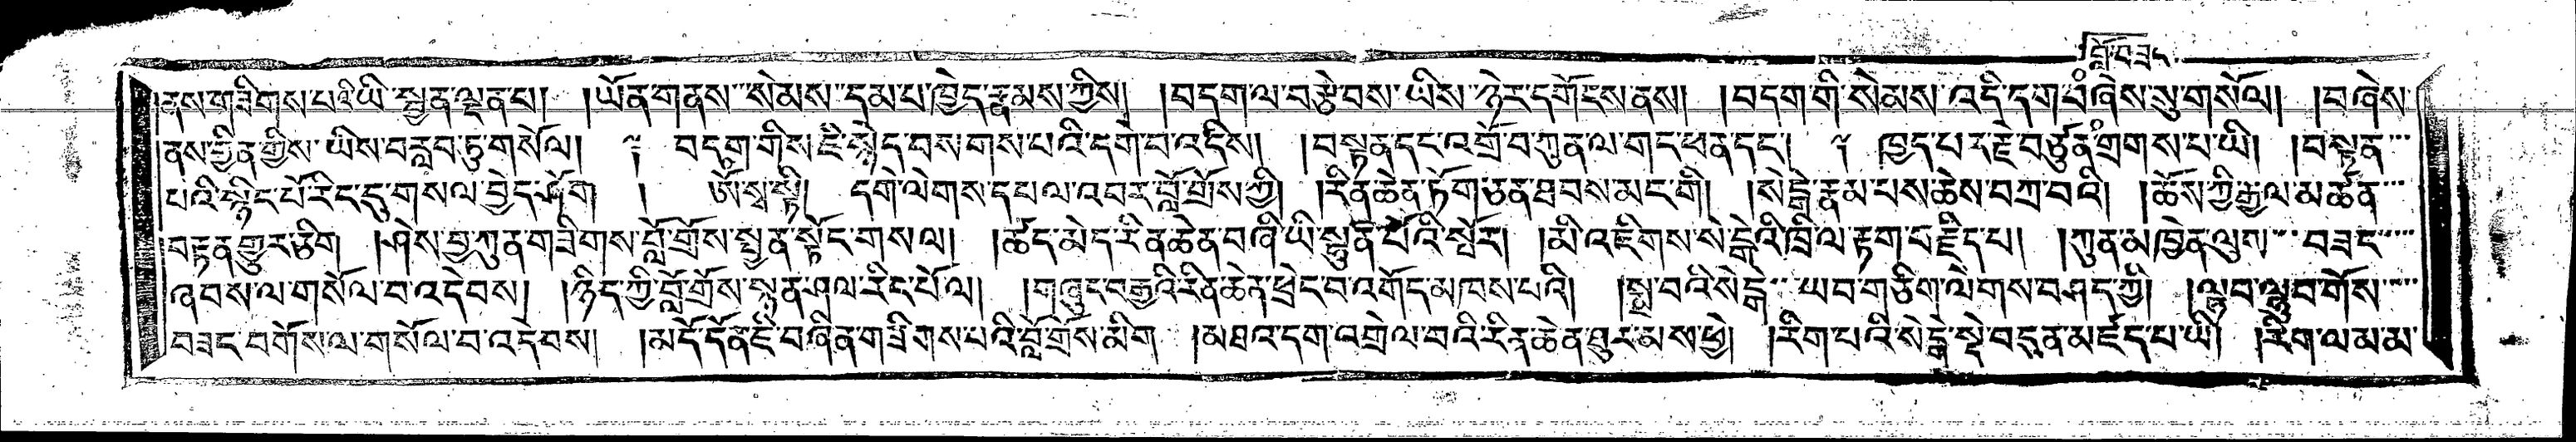ནས་གཟིགས་པའི་ཡི་སྦྱན་ལྡན་པ། །ཡོན་གནས་སེམས་དམ་པ་ཁྱེད་རྣམས་ཀྱིས། །བདག་ལ་བརྩེ་བས་ཡིས་ཉེར་དགོངས་ནས། །བདག་གི་སེམས་འདི་དག་བཞེས་སུ་གསོལ། །བཞེས་
ནས་བྱིན་གྱིས་ཡིས་བརླབ་ཏུ་གསོལ། ༈ བདག་གིས་ཇི་སྙེད་བསགས་པའི་དགེ་བ་འདིས། །བསྟན་དང་འགྲོ་བ་ཀུན་ལ་གང་ཕན་དང་། ༈ ཁྱད་པར་རྗེ་བཙུན་བློ་བཟང་གྲགས་པ་ཡི། །བསྟན་
པའི་སྙིང་པོ་རིང་དུ་གསལ་བྱེད་ཤོག །ཨོཾ་སྭ་སྟི། དགེ་ལེགས་དཔལ་འབར་བློ་གྲོས་ཀྱི། །རིན་ཆེན་ཏོག་ཅན་ཐབས་མང་གི །སེངྒེ་རྣམ་པས་ཆེས་བཀྲ་བའི། །ཆོས་ཀྱི་རྒྱལ་མཚན་
བརྟན་གྱུར་ཅིག །ཤེས་བྱ་ཀུན་གཟིགས་བློ་གྲོས་སྤྱན་སྟོང་གསལ། །ཚད་མེད་རིན་ཆེན་བཞི་ཡི་ལྷུན་པོའི་སྤོར། །མི་འཇིགས་སེངྒེའི་ཁྲི་ལ་རྟག་བརྗིད་པ། །ཀུན་མཁྱེན་ལུས་བཟང་
ཞབས་ལ་གསོལ་བ་འདེབས། །ཉིད་ཀྱི་བློ་གྲོས་སྙན་ཤལ་རིང་པོ་ལ། །གཞུང་བརྒྱའི་རིན་ཆེན་ཕྲེང་བ་འགོད་མཁས་པའི། །སྨྲ་བའི་སེངྒེ་ཡབ་གཅིག་ལེགས་བྖད་ཀྱི། །ལྷབ་ལྷུབ་གོས་
བཟང་བགོས་ལ་གསོལ་བ་འདེབས། །མདོ་དོན་ཇི་བཞིན་གཟིགས་པའི་བློ་གྲོས་མིག །མཐའ་དག་འགྲེལ་བའི་རིན་ཆེན་ཐུར་མས་ཕྱེ། །རིག་པའི་སེངྒེ་སྡེ་བདུན་མཛད་པ་ཡི། །རིག་ལམ་མ་